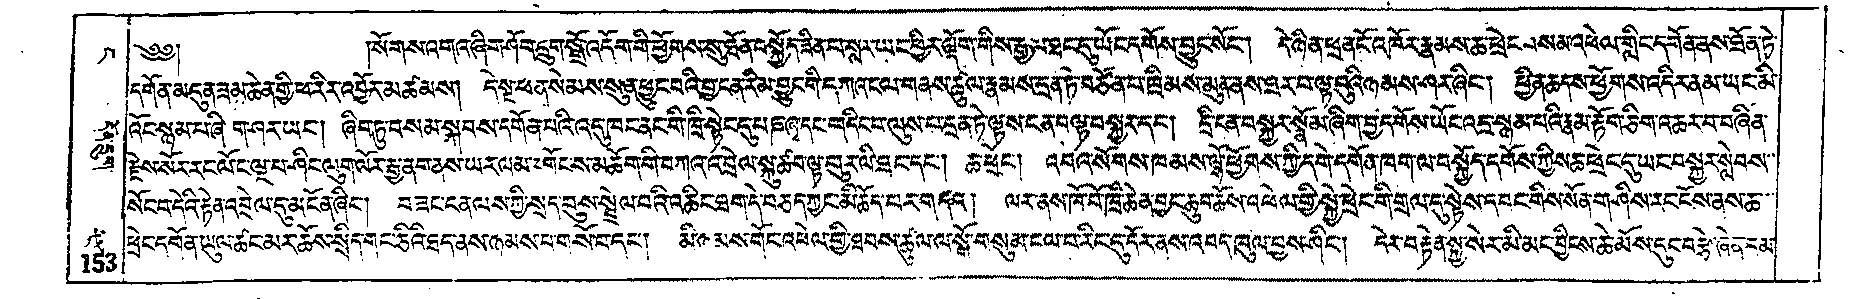༄༅། །སོགས་འགའ་ཞིག་ཤོག་དྲུག་སྒྲོ་འདོག་གི་ཕྱོགས་སུ་ཐོན་བསྐྱོད་ཟིན་པ་སླར་ཡང་ཕྱིར་ལྡོག་གིས་རྒྱལ་ཐང་དུ་ཡོང་དགོས་བྱུང་སོང་། དེ་ཉིན་ཕྲན་ངོ་འཁོར་རྣམས་ཆ་ཕྲེང་བསམ་འཕེལ་གླིང་དགོན་ནས་ཐོན་ཏེ་
དགོན་མདུན་ཟམ་ཆེན་གྱི་ཕ་རིར་འབྱོར་མཚམས། དེ་སྔ་ཕན་སེམས་སུན་ཕྱུང་བའི་བྱ་ངན་རིམ་བྱུང་གི་དཀའ་ངལ་གནས་ཚུལ་རྣམས་དྲན་ཏེ་བཙོན་པ་ཁྲིམས་མུན་ནས་ཐར་བ་ལྟ་བུའི་ཉམས་ཤར་ཞིང་། ཕྱིན་ཆད་ས་ཕྱོགས་འདིར་ནམ་ཡང་མི་
འོང་སྙམ་པ་ཞིག་ཤར་ཡང་། ཞིབ་ཏུ་བསམ་སྐབས་དགོན་པའི་འདུ་ཁང་ནང་གི་ཁྲི་སྟེང་དུ་པཎ་ཞྭ་དང་གདིང་བ་ལུས་པ་དྲན་ཏེ་ལྟས་ངན་བལྟ་བསྐྱར་དང་། དྲི་ངན་བསྐྱར་སྣོམ་ཞིག་བྱ་དགོས་ཡོང་འདྲ་སྙམ་པའི་རྣམ་རྟོག་ཅིག་འཆར་བ་བཞིན་
རྗེས་སོར་རང་ལོ་ང་ལྔ་པ་ཤིང་ལུག་ལོར་རྒྱ་ནག་ནས་ཡར་ལམ་༧གོང་ས་མཆོག་གི་བཀའ་འབྲེལ་སྐུ་ཚབ་ལྟ་བུར་ལི་ཐང་དང་། ཆ་ཕྲེང་། འབའ་སོགས་ཁམས་ལྷོ་ཕྱོགས་ཀྱི་དགེ་དགོན་ཁག་ལ་བསྐྱོད་དགོས་ཀྱིས་ཆ་ཕྲེང་དུ་ཡང་བསྐྱར་སླེབས་
སོང་བ་དེའི་རྟེན་འབྲེལ་དུ་མངོན་ཞིང་། བཟང་ངན་ལས་ཀྱི་སྲད་བུས་སྦྲེལ་བའི་འཆིང་ཐག་དེ་བཅད་ཀྱང་མི་ཆོད་པར་གདའ། ལར་ནས་ཁོ་བོ་ཁྲི་ཆེན་བྱང་ཆུབ་ཆོས་འཕེལ་གྱི་སྐྱེ་ཕྲེང་གི་གྲལ་དུ་སྟེས་དབང་གིས་སོན་གཤིས་རང་ངོས་ནས་ཆ་
ཕྲེང་དགོན་ཡུལ་ཚང་མར་ཆོས་སྲིད་གང་ཅིའི་ཐད་ནས་ཉམས་པ་གསོ་བ་དང་། མི་ཉམས་གོང་འཕེལ་གྱི་ཐབས་ཚུལ་ལ་སྒོ་གསུམ་ངལ་བ་རིང་དུ་དོར་ནས་འབད་ཁུལ་བྱས་ཤིང་། དེར་བརྟེན་སྐྱ་སེར་མི་མང་བྱིངས་ཆེ་མོས་དུང་བརྩེ་ཞེན་དམ་